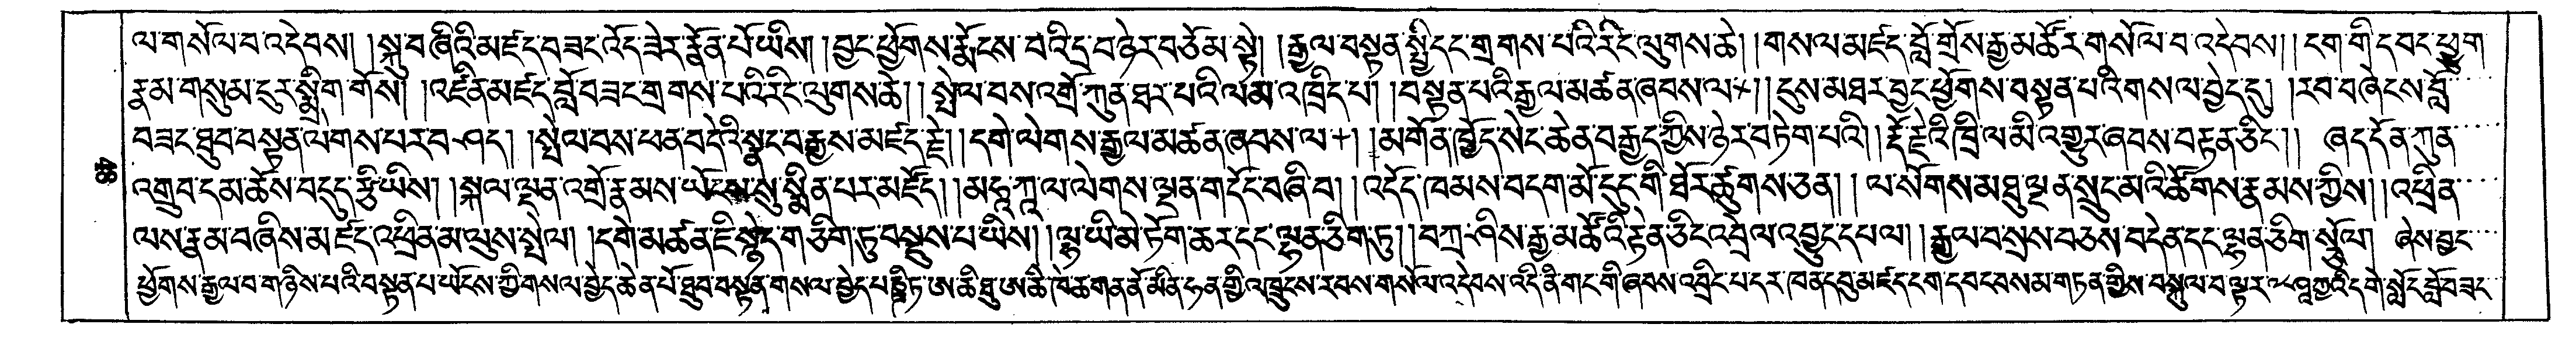ལ་གསོལ་བ་འདེབས། །སྐུ་བཞིའི་མཛད་བཟང་འོད་ཟེར་རྣོན་པོ་ཡིས། །བྱང་ཕྱོགས་རྨོངས་པའི་དྲ་བ་ཉེར་བཅོམ་སྟེ། །རྒྱལ་བསྟན་སྤྱི་དང་གྲགས་པའི་རིང་ལུགས་ཆེ། །གསལ་མཛད་བློ་གྲོས་རྒྱ་མཚོར་གསོལ་བ་འདེབས། །ངག་གི་དབང་ཕྱུག་
རྣམ་གསུམ་ངུར་སྨྲིག་གོས། །འཛིན་མཛད་བློ་བཟང་གྲགས་པའི་རིང་ལུགས་ཆེ། །སྤེལ་བས་འགྲོ་ཀུན་ཐར་བའི་ལམ་འཁྲིད་པ། །བསྟན་པའི་རྒྱལ་མཚན་ཞབས་ལ། །དུས་མཐར་བྱང་ཕྱོགས་བསྟན་པའི་གསལ་བྱེད་དུ། །རབ་བཞེངས་བློ་
བཟང་ཐུབ་བསྟན་ལེགས་པར་བཤད། །སྤེལ་བས་ཕན་བདེའི་སྣང་བ་རྒྱས་མཛད་རྗེ། །དགེ་ལེགས་རྒྱལ་མཚན་ཞབས་ལ། །མགོན་ཁྱོད་སེང་ཆེན་བརྒྱད་ཀྱིས་ཉེར་བཏེག་པའི། །རྡོ་རྗེའི་ཁྲིལ་མི་འགྱུར་ཞབས་བརྟན་ཅིང་། །བཞེད་དོན་ཀུན་
འགྲུབ་དམ་ཆོས་བདུད་རྩི་ཡིས། །སྐལ་ལྡན་འགྲོ་རྣམས་ཡོངས་སུ་སྨིན་པར་མཛོད། །མཧཱ་ཀཱ་ལ་ལེགས་ལྡན་གདོང་བཞི་པ། །འདོད་ཁམས་བདག་མོ་དུང་གི་ཐོར་ཚུགས་ཅན། །ལ་སོགས་མཐུ་ལྡན་སྲུང་མའི་ཚོགས་རྣམས་ཀྱིས། །འཕྲིན་
ལས་རྣམ་བཞིས་མཛད་འཕྲིན་མ་ལུས་སྤེལ། །དགེ་མཚན་ཇི་སྙེད་གཅིག་ཏུ་བསྡུས་པ་ཡིས། །ལྷ་ཡི་མེ་ཏོག་ཆར་དང་ལྷན་ཅིག་ཏུ། །བཀྲ་ཤིས་རྒྱ་མཚོའི་རྟེན་ཅིང་འབྲེལ་འབྱུང་དཔལ། །རྒྱལ་བ་སྲས་བཅས་བདེན་དང་ལྷན་ཅིག་སྩོལ། ཞེས་བྱང་
ཕྱོགས་རྒྱལ་བ་གཉིས་པའི་བསྟན་པ་ཡོངས་ཀྱི་གསལ་བྱེད་ཆེན་པོ་ཐུབ་བསྟན་གསལ་བྱེད་པཎྜི་ཏ་ཨ་ཆི་ཐུ་ཨེ་ཆེ་ཁེ་ཆ་གན་ནོ་མིན་ཧན་གྱི་འཁྲུངས་རབས་གསོལ་འདེབས་འདི་ནི་གང་གི་ཞབས་འབྲིང་པ་དར་ཁན་དབུ་མཛེད?་ངག་དབང་བསམ་གཏན་གྱིས་བསྐུལ་བལྟར ༧ཤཱཀྱའི་དགེ་སློང་བློ་བཟང་